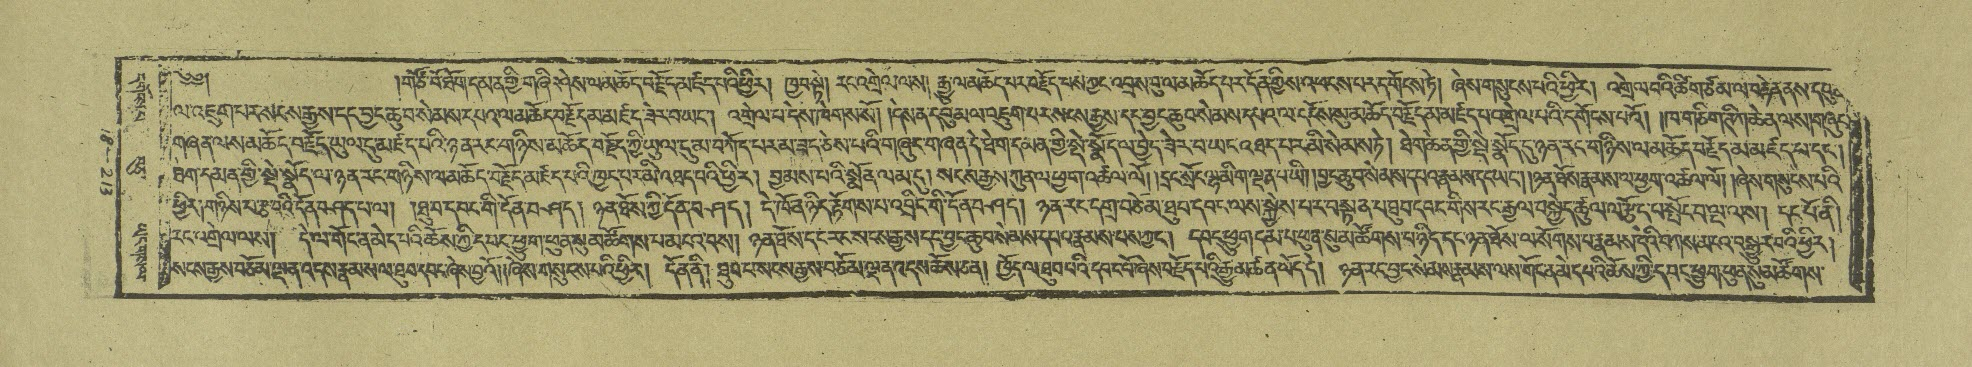༄༅། །གཙོ་བོ་ཐེག་དམན་གྱི་གཞི་ཤེས་ལ་མཆོད་བརྗོད་མཛད་པའི་ཕྱིར། ཁྱབ་སྟེ། རང་འགྲེལ་ལས། རྒྱུ་ལ་མཆོད་པར་བརྗོད་པས་ཀྱང་འབྲས་བུ་ལ་མཆོད་པར་དོན་གྱིས་འཕངས་པར་དགོངས་ཏེ། ཞེས་གསུགནས་པའི་ཕྱིར། འགྲེལ་བའི་ཚིག་ཙམ་ལ་བརྟེན་ནས་དབུ་མ་
ལ་འཇུག་པར་སངས་རྒྱས་དང་བྱང་ཆུབ་སེམས་དཔའ་ལ་མཆོད་བརྗོད་མ་མཛད་ཟེར་བ་ཡང་། འགྲེལ་བ་དེས་ཁེངས་སོ། །དེས་ན་དབུ་མ་ལ་འཇུག་པར་སངས་རྒྱས་དང་བྱང་ཆུབ་སེམས་དཔའ་ལ་དངོས་སུ་མཆོད་བརྗོད་མ་མཛད་པ་འགྲེལ་བའི་དགོངས་པའོ། །ཁ་གཅིག་ཊིཀ་ཆེན་ལས། གཞུང་
གཞན་ལས་མཆོད་བརྗོད་ཡུལ་དུ་མཛད་པའི་ཉན་རང་གཉིས་མཆོད་བརྗོད་ཀྱི་ཡུལ་དུ་མ་བཀོད་པར་མ་ཟེད་ཅེས་པའི་གཞུང་གཞན་དེ་ཐེག་དམན་གྱི་སྡེ་སྣོད་ལ་བྱེད་ཟེར་བ་ཡང་འཐད་པར་མི་སེམས་ཏེ། ཐེག་ཆེན་གྱི་སྡེ་སྣོད་དུ་ཉན་རང་གཉིས་ལ་མཆོད་བརྗོད་མ་མཛད་པ་དང་།
ཐེག་དམན་གྱི་སྡེ་སྣོད་ལ་ཉན་རང་གཉིས་ལ་མཆོད་པ་བརྗོད་མཛད་པའི་ཁྱད་པར་མི་འཐད་པའི་ཕྱིར། བྱམས་པའི་སྨིན་ལམ་དུ། སངས་རྒྱས་ཀུན་ལ་ཕྱག་འཚལ་ལོ། །དྲང་སྲོང་ལྷ་མིག་ལྡན་པ་ཡི། །བྱང་ཆུབ་སེམས་དཔའ་རྣམས་དང་ཡང་། །ཉན་ཐོས་རྣམས་ལ་ཕྱག་འཚལ་ལོ། །ཞེས་གསུངས་པའི་
ཕྱིར། །གཉིས་པ་རྩ་བའི་དོན་བཤད་པ་ལ། །ཐུབ་དབང་གི་དོན་བཤད། ཉན་ཐོས་ཀྱི་དོན་བཤད། དེ་ཁོ་ན་ཉིད་རྟོགས་པ་འབྲིང་གི་དོན་བཤད། ཉན་རང་དགྲ་བཅོམ་ཐུབ་དབང་ལས་སྐྱེས་པར་བསྟན་པ་ཐུབ་དབང་གིས་རང་རྒྱལ་བསྐྱེད་ཚུལ་ལ་རྩོད་པ་སྤོང་བ་ལྔ་ལས། དང་པོ་ནི།
རང་འགྲེལ་ལས། དེ་ལ་གོང་ན་མེད་པའི་ཆོས་ཀྱི་དབང་ཕྱུག་ཕུན་སུམ་ཚོགས་པ་མངའ་བས། ཉན་ཐོས་དང་རང་སངས་རྒྱས་དང་བྱང་ཆུབ་སེམས་དཔའ་རྣམས་པས་ཀྱང་། དབང་ཕྱུག་དམ་པ་ཕུན་སུམ་ཚོགས་པ་ཉིད་དང་ཉན་ཐོས་ལ་སོགས་པ་རྣམས་དེའི་བཀས་མངའ་བསྒྱུར་བའི་ཕྱིར།
སངས་རྒྱས་བཅོམ་ལྡན་འདས་རྣམས་ལ་ཐུབ་དབང་ཞེས་བྱའོ། །ཞེས་གསུངས་པའི་ཕྱིར། དོན་ནི། ཐུབ་པ་སངས་རྒྱས་བཅོམ་ལྡན་འདས་ཆོས་ཅན། ཁྱོད་ལ་ཐུབ་པའི་དབང་པོ་ཞེས་བརྗོད་པའི་རྒྱུ་མཚན་ཡོད་དེ། ཉན་རང་བྱང་སེམས་རྣམས་ལས་གོང་ན་མེད་པའི་ཆོས་ཀྱི་དབང་ཕྱུག་ཕུན་སུམ་ཚོགས་